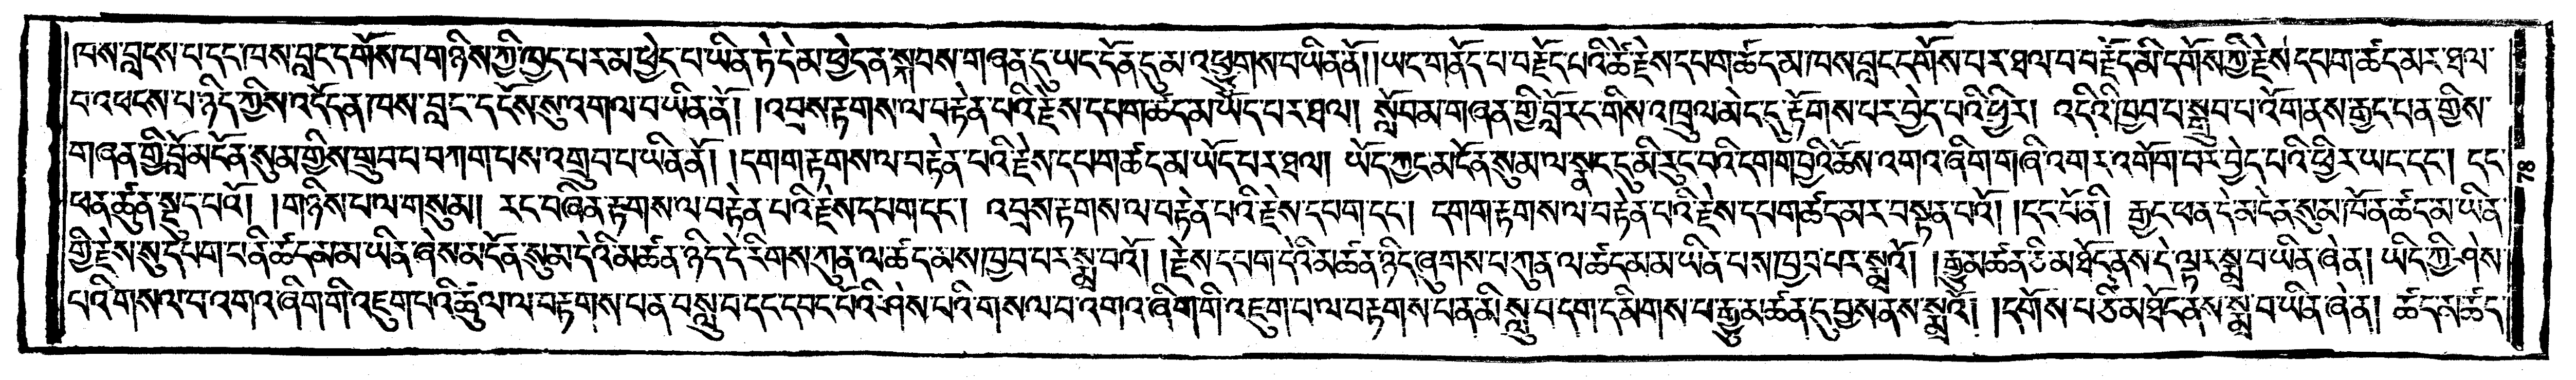ཁས་བླངས་པ་དང་ཁས་བླང་དགོས་པ་གཉིས་ཀྱི་ཁྱད་པར་མ་ཕྱེད་པ་ཡིན་ཏེ་དེ་མ་ཕྱེད་ན་སྐབས་གཞན་དུ་ཡང་དོན་དུ་མ་འཕྱུགས་པ་ཡིན་ནོ། །ཡང་གནོད་པ་བརྗོད་པའི་ཚེ་རྗེས་དཔག་ཚད་མ་ཁས་བླང་དགོས་པར་ཐལ་བ་བརྗོད་མི་དགོས་ཀྱི་རྗེས་དཔག་ཚད་མར་ཐལ་
བ་འཕངས་པ་ཉིད་ཀྱིས་འདོད་ན་ཁས་བླང་དངོས་སུ་འགལ་བ་ཡིན་ནོ། །འབྲས་རྟགས་ལ་བརྟེན་པའི་རྗེས་དཔག་ཚད་མ་ཡོད་པར་ཐལ། སློབ་མ་གཞན་གྱི་བློ་རང་གིས་འཁྲུལ་མེད་དུ་རྟོགས་པར་བྱེད་པའི་ཕྱིར། འདིའི་ཁྱབ་པ་སྒྲུབ་པ་འོག་ནས་རྒྱད་པན་གྱིས་
གཞན་གྱི་བློ་མངོན་སུམ་གྱིས་གྲུབ་པ་བཀག་པས་འགྲུབ་པ་ཡིན་ནོ། །དགག་རྟགས་ལ་བརྟེན་པའི་རྗེས་དཔག་ཚད་མ་ཡོད་པར་ཐལ། ཡོད་ཀྱང་མངོན་སུམ་ལ་སྣང་དུ་མི་རུང་བའི་དགག་བྱའི་ཆོས་འགའ་ཞིག་གཞི་འགར་འགོག་བར་བྱེད་པའི་ཕྱིར་ཡང་དང་། དང་
ཕན་ཚུན་སྡུད་པའོ། །གཉིས་པ་ལ་གསུམ། རང་བཞིན་རྟགས་ལ་བརྟེན་པའི་རྗེས་དཔག་དང་། འབྲས་རྟགས་ལ་བརྟེན་པའི་རྗེས་དཔག་དང་། དགག་རྟགས་ལ་བརྟེན་པའི་རྗེས་དཔག་ཚད་མར་བསྟན་པའོ། །དང་པོ་ནི། རྒྱང་ཕན་དེ་མངོན་སུམ་ཁོ་ན་ཚད་མ་ཡིན་
གྱི་རྗེས་སུ་དཔག་པ་ནི་ཚད་མ་མ་ཡིན་ཞེས་མངོན་སུམ་དེའི་མཚན་ཉིད་དེ་རིགས་ཀུན་ལ་ཚད་མས་ཁྱབ་པར་སྨྲ་བའོ། །རྗེས་དཔག་དེའི་མཚན་ཉིད་ཞུགས་པ་ཀུན་ལ་ཚད་མ་མ་ཡིན་པས་ཁྱབ་པར་སྨྲའོ། །རྒྱུ་མཚན་ཅི་མཐོང་ནས་དེ་ལྟར་སྨྲ་བ་ཡིན་ཞེ་ན། ཡིད་ཀྱི་ཤེས་
པའི་གསལ་བ་འགའ་ཞིག་གི་འཇུག་པའི་ཚུལ་ལ་བརྟགས་པ་ན་བསླུ་བ་དང་དབང་པོའི་ཤེས་པའི་གསལ་བ་འགའ་ཞིག་གི་འཇུག་པ་ལ་བརྟགས་པ་ན་མི་སླུ་བ་དག་དམིགས་པ་རྒྱུ་མཚན་དུ་བྱས་ནས་སྨྲའོ། །དགོས་པ་ཅི་མཐོང་ནས་སྨྲ་བ་ཡིན་ཞེ་ན། ཚད་མ་ཚད་